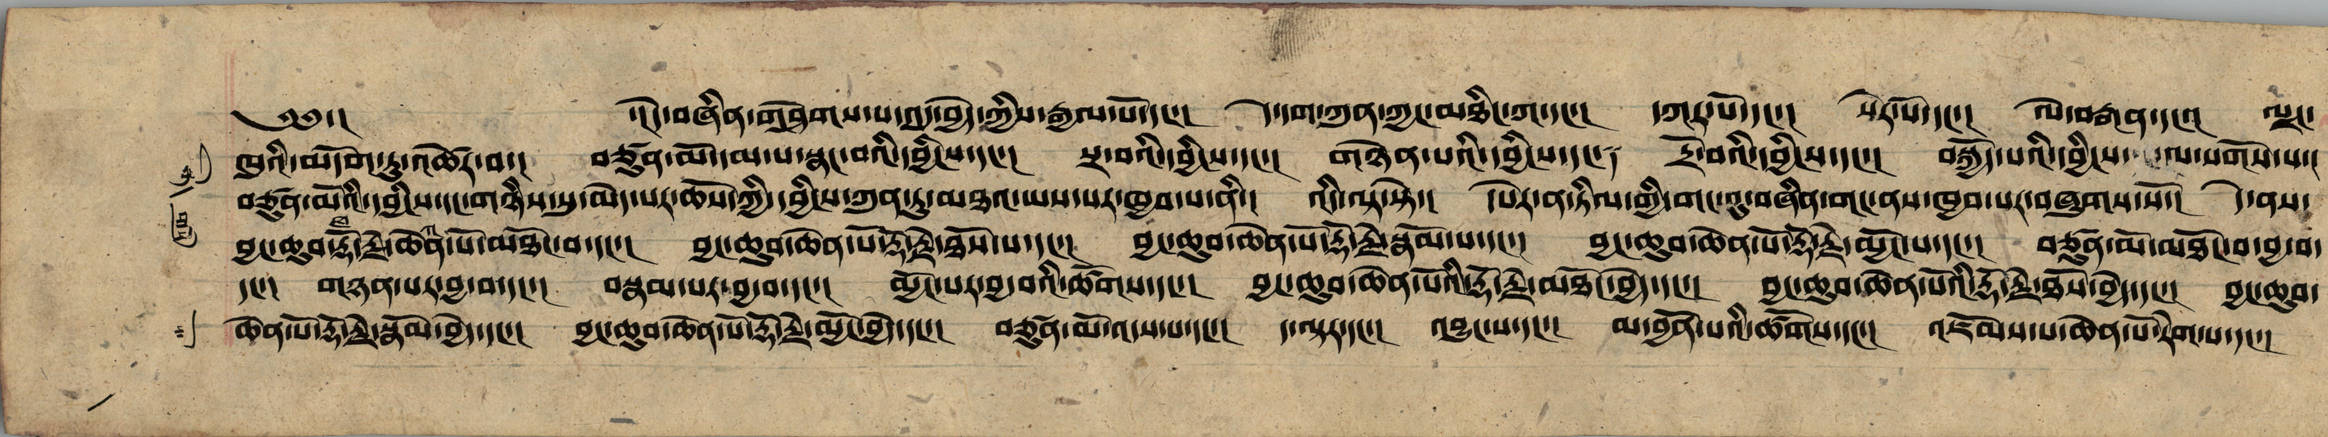༄༅་། ་།དེ་བཞིན་གཤེགས་པ་འདུ་བྱེད་ཀྱིས་རྒྱལ་པོ་དང་། དེ་དག་ཀུན་ཀྱང་མཐིང་ཀ་དང་། དཀར་པོ་དང་། སེར་པོ་དང་། ལེ་བརྒན་དང་། ལྗང་
ཁུའི་མདོག་ཏུ་འཚེར་བ་། བཙུན་མོ་དམ་པ་སྣང་བའི་དབྱིངས་དང་། སྲ་བའི་དབྱིངས་དང་། གཉེན་པའི་དབྱིངས་དང་། དྲོ་བའི་དབྱིངས་དང་། བསྐྱོད་པའི་དབྱིངས་ ལ་སོགས་པ་།
བཙུན་མོའི་དབྱིངས་དང་གཉིས་སུ་མེད་པར་ཆོས་ཀྱི་དབྱིངས་ཀུན་ཏུ་མཐའ་ཡས་པར་ཁྱབ་པ་ནི་། འདི་ལྟ་སྟེ་། དཔེར་ན་ཏིལ་གྱི་གང་བུ་བཞིན་གང་ནས་ཁྱབ་པར་བཞུགས་སོ་། དེ་ནས་
བྱང་ཆུབ་རྡོ་རྗེ་ཆེན་པོ་མཐོང་བ་དང་། བྱང་ཆུབ་ཆེན་པོ་རྡོ་རྗེ་ཐོས་པ་དང་། བྱང་ཆུབ་ཆེན་པོ་རྡོ་རྗེ་སྣོམ་པ་དང་། བྱང་ཆུབ་ཆེན་པོ་རྡོ་རྗེ་མྱོང་པ་དང་། བཙུན་མོ་མཐོང་བ་བྱ་བ་
དང་། གཉན་པར་བྱ་བ་དང་། བསྣམ་པར་བྱ་བ་དང་། མྱོང་པར་བྱ་བའི་ཚོགས་དང་། བྱང་ཆུབ་ཆེན་པོའི་རྡོ་རྗེ་མཐོང་བྱེད་དང་། བྱང་ཆུབ་ཆེན་པོའི་རྡོ་རྗེ་ཐོས་བྱེད་དང་། བྱང་ཆུབ་
ཆེན་པོ་རྡོ་རྗེ་སྣོམ་བྱེད་དང་། བྱང་ཆུབ་ཆེན་པོ་རྡོ་རྗེ་མྱོང་བྱེད་དང་། བཙུན་མོ་འདས་པ་དང་། ད་ལྟར་དང་། འབྱུང་པ་དང་། མ་བྱོན་པའི་ཚོགས་དང་། འཇོམས་པ་ཆེན་པོ་རེག་པ་དང་།